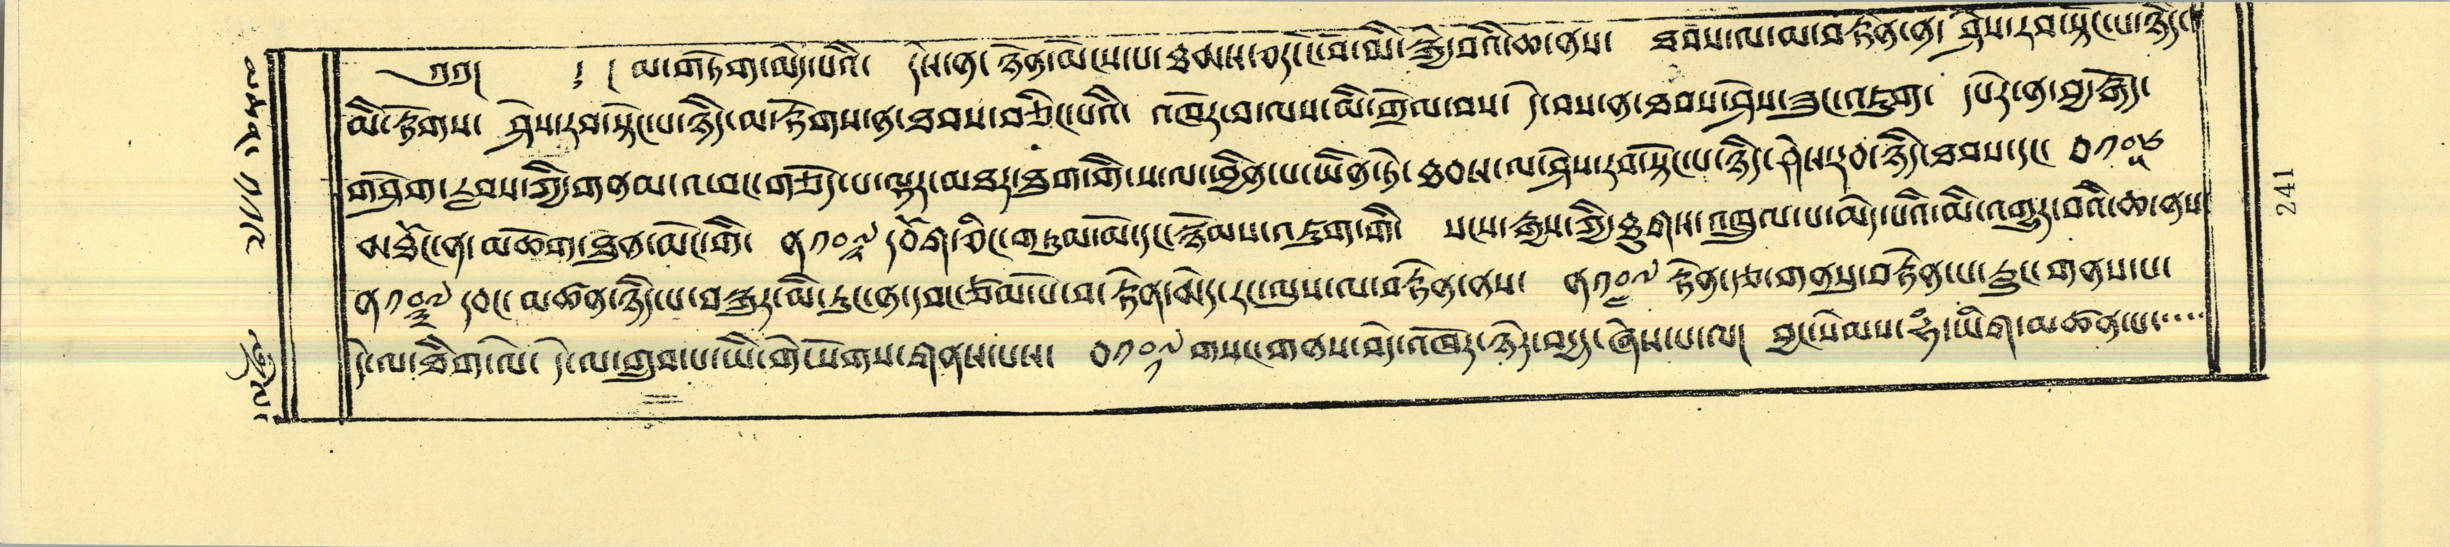མ་གཏོག་མེད་པའི་ ༼དེས་ན་༽ཉོན་མོངས་པ་ ༼ཐམས་ཅད་༽ངོ་བོ་མི་སྐྱེ་བའི་ཆ་ནས། ཐབས་ལ་མ་བརྟེན་ན། ཤེས་རབ་སྟོང་པ་ཉིད་
མི་རྟོགས། ཤེས་རབ་སྟོང་པ་ཉིད་མ་རྟོགས་ན་ཐབས་བཅིང་པའི། འཁོར་བ་ལས་མི་གྲོལ་བས། དེ་བས་ན་ཐབས་ཤེས་ཟུང་འཇུག དཔེར་ན་བྱ་རྒོད་
གཤོག་རླབས་ཀྱི་གནམ་འཕང་གཅོད་པ་ལྟར་མཐར་ཐུག་གི་ས་ལ་ཕྱིན་པ་ཡིན་ཏེ་ ༼ཐབས་༽ལ་ཤེས་རབ་སྟོང་པ་ཉིད་ ༼ཤེས་རབ་༽ཉིད་ཐབས་དང། བ༡༠༦།༥ 
༼མཐོང་ན་༽མཆོག་ཐུན་མོང་གི་ན༡༠༧།༢ ༼དབོག་ཅིང་༽གཏུམ་མོ་དང་སྙོམས་འཇུག་གི་སངས་རྒྱས་ཀྱི་ ༼ཐུགས་༽འཁྲུལ་པ་མེད་པའི་མི་འགྱུར་བའི་ཆ་ནས་
ན༡༠༧།༣ ༼དབང་༽མཚན་ཉིད་པ་བསྐུར་མི་རུང་ན་དབང་ཙམ་པོ་བ་ ༼རྟེན་མེད་༽རང་ལུས་ལ་བརྟེན་ནས་ན༡༠༧།༤ རྟེན་རྩ་གནས་སུ་བརྟེན་པ་རླུང་གནས་པ་
དེ་ལ་ཐིག་ལེ། དེ་ལ་གྲུབ་པ་ཡི་གེ་སོགས་ ༼གནས་པས་༽བ༡༠༧།༡ གསང་གནས་བདེ་འཁོར་ཉེར་བརྒྱད་ ༼ཞེས་པ་ལ།༽ བྱང་སེམས་ ༼ཧཾ་ཡིག་༽མཚན་པ་